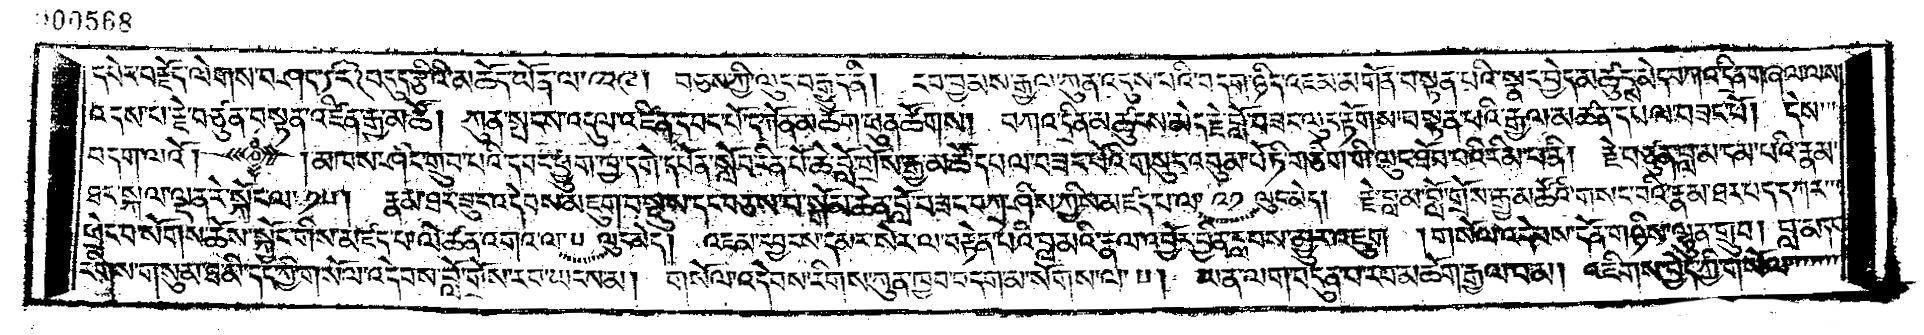དཔེར་བརྗོད་ལེགས་བཤད ༼ར༽ བདུད་རྩིའི་མཆོད་ཡོན་ལ ༣༩། བཅས་ཀྱི་ལུང་བརྒྱུད་ནི། རབ་བྱམས་རྒྱལ་ཀུན་འདུས་པའི་བདག་ཉིད་འཇམ་མགོན་བསྟན་པའི་སྣང་བྱེད་མཚུངས་མེད་བཀའ་དྲིན་གཞལ་ལས་
འདས་པ་རྗེ་བཙུན་བསྟན་འཛིན་རྒྱ་མཚོ། ཀུན་སངས་འདུལ་འཛིན་དབང་པོ་དཀོན་མཆོག་ཕུན་ཚོགས། བཀའ་དྲིན་མཚུངས་མེད་རྗེ་བློ་བཟང་ལུང་རྟོགས་བསྟན་པའི་རྒྱལ་མཚན་དཔལ་བཟང་པོ། དེས་
བདག་ལའོ། ༈ །མཁས་ཤིང་གྲུབ་པའི་དབང་ཕྱུག་ཁྱ་དགེ་དཔོན་སློབ་རིན་པོ་ཆེ་བློ་གྲོས་རྒྱ་མཚོ་དཔལ་བཟང་པོའི་གསུང་འབུམ་པོ་ཏི་གཅིག་གི་ལུང་ཐོབ་པའི་རིམ་པ་ནི། རྗེ་བཙུན་བླ་མ་དམ་པའི་རྣམ་
ཐར་སྐལ་ལྡན་རེ་སྐོང་ལ ༡༥། རྣམ་ཐར་ཟུར་འདེབས་མཇུག་བསྡུས་དང་བཅས་པ་སྒོམ་ཆེན་བློ་བཟང་བཀྲ་ཤིས་ཀྱིས་མཛད་པ་ལ་ལུང་མེད།  ༡༡་རྗེ་བླ་མ་བློ་གྲོས་རྒྱ་མཚོའི་གསང་བའི་རྣམ་ཐར་པད་དཀར་
ཕྲེང་བ་སོགས་ཆོས་སྐྱོང་གིས་མཛད་པ་ལེ་ཚན་འགའ་ལ་ལུང་མེད།  ༥་འཇམ་དབྱངས་དམར་སེར་ལ་བརྟེན་པའི་བླ་མའི་རྣལ་འབྱོར་བྱིན་རླབས་མྱུར་འཇུག །གསོལ་འདེབས་དོན་གཉིས་ལྷུན་གྲུབ། བླ་མ་དང་
རིགས་གསུམ་ཐ་མི་དད་ཀྱི་གསོལ་འདེབས་བློ་གྲོས་རབ་ཡངས་མ། གསོལ་འདེབས་རིགས་ཀུན་ཁྱབ་བདག་མ་སོགས་ལ ༥། ཡན་ལག་བདུན་པ་རབ་མཆོག་རྒྱལ་བ་མ། འཇིགས་བྱེད་ཀྱི་གསོལ་